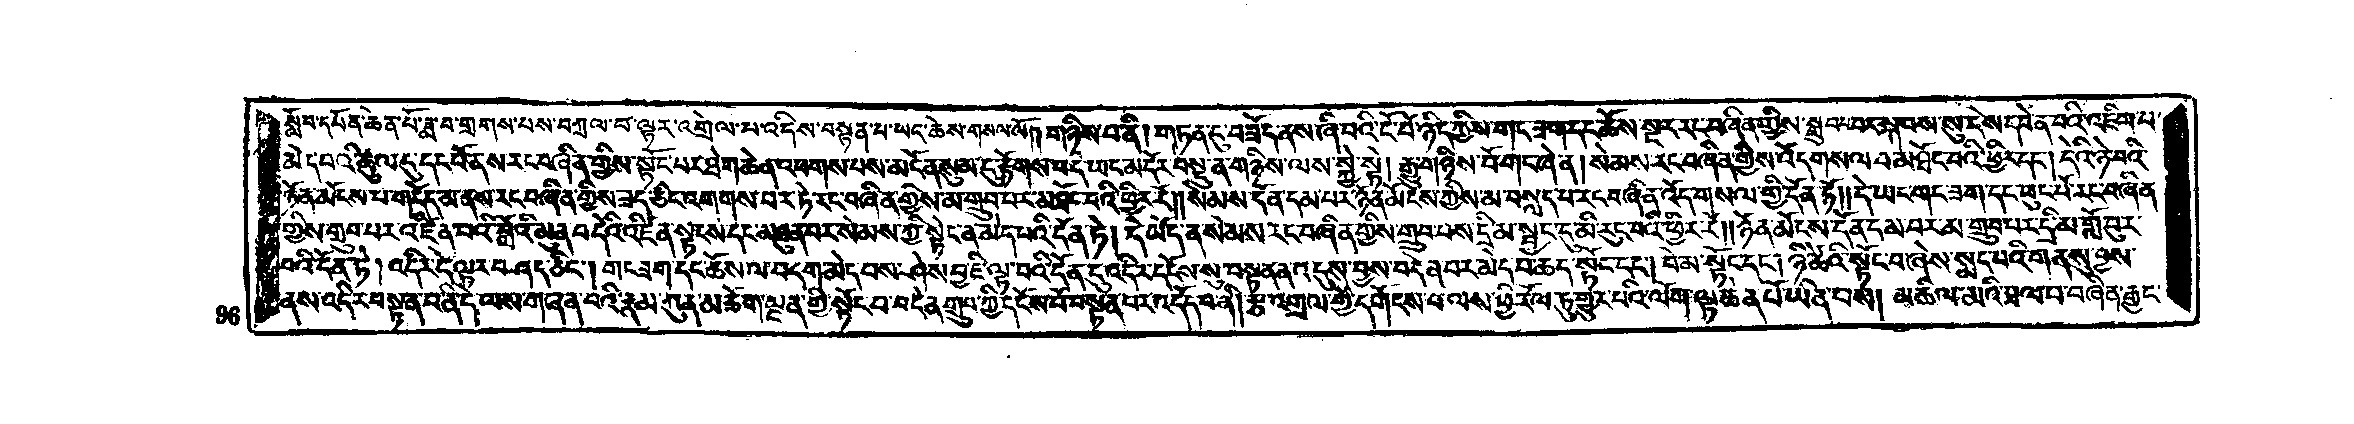སློབ་དཔོན་ཆེན་པོ་ཟླ་བ་གྲགས་པས་བཀྲལ་བ་ལྟར་འགྲེལ་པ་འདིས་བསྟན་པ་ཡང་ཆོས་གསལ་ལོ། །གཉིས་པ་ནི། གཏན་དུ་བཟོད་ནས་ཞི་བའི་ངོ་བོ་ཉིད་ཀྱིས་གང་ཟག་དང་ཆོས་སྔར་རང་བཞིན་གྱིས་སྒྲུབ་པར་སྐབས་སུ་དེས་དབེན་པའི་འཇིག་པ་
མེད་པའི་ཚུལ་དུ་དང་པོ་ནས་རང་བཞིན་གྱིས་སྟོང་པར་ཐེག་ཆེན་འཕགས་པས་མངོན་སུམ་དུ་རྟོགས་པ་དེ་ཡང་མདོར་བསྡུ་ན་གཉིས་ལས་སྐྱེ་སྟེ། རྒྱུ་གཉིས་པོ་གང་ཞེ་ན། སེམས་རང་བཞིན་གྱིས་འོད་གསལ་བ་མཐོང་བའི་ཕྱིར་དང་། དེའི་ཉེ་བའི་
ཉོན་མོངས་པ་གདོད་མ་ནས་རང་བཞིན་གྱིས་ཟད་ཅིང་འགགས་པར་ཏེ་རང་བཞིན་གྱིས་མ་གྲུབ་པར་མཐོང་བའི་ཕྱིར་རོ། །སེམས་དོན་དམ་པར་ཉོན་མོངས་ཀྱིས་མ་བསླད་པ་རང་བཞིན་འོད་གསལ་གྱི་དོན་ཏོ། །དེ་ཡང་གང་ཟག་དང་ཕུང་པོ་རང་བཞིན་
གྱིས་གྲུབ་པར་འཛིན་པའི་བློའི་མུན་པ་དེའི་འཛིན་སྟངས་དང་མཐུན་པར་སེམས་ཀྱི་སྟེང་ན་མེད་པའི་དོན་ཏེ། དེ་ཡོད་ན་སེམས་རང་བཞིན་གྱིས་གྲུབ་པས་དྲི་མ་སྦྱང་དུ་མི་རུང་བའི་ཕྱིར་རོ། །ཉོན་མོངས་དོན་དམ་པར་མ་གྲུབ་པར་དྲི་མ་གློ་བུར་
བའི་དོན་ཏེ། འདིར་དེ་ལྟར་བཤད་ཅིང་། གང་ཟག་དང་ཆོས་ལ་བདག་མེད་པས་ཤེས་བྱ་ཇི་ལྟ་བའི་དོན་དུ་འདིར་དངོས་སུ་བསྟན་ན་འདུས་བྱས་བདེན་པར་མེད་པ་ཆད་སྟོང་དང་། བེམ་སྟོང་དང་། ཉི་ཚེའི་སྟོང་པ་ཞེས་སྨད་པའི་གནས་སུ་བྱས་
ནས་འདིར་བསྟན་པ་ནི་དེ་ལས་གཞན་པའི་རྣམ་ཀུན་མཆོག་ལྔན་གྱི་སྟོང་པ་བདེན་གྲུབ་ཀྱི་དངོས་པོ་བསྟན་པར་འདོད་པ་ནི། རྩ་འགྲེལ་གྱི་དགོངས་པ་ལས་ཕྱི་རོལ་ཏུ་གྱུར་པའི་ལོག་ལྟ་ཆེན་པོ་ཡིན་པས། མཆིལ་མའི་ཐལ་བ་བཞིན་རྒྱང་